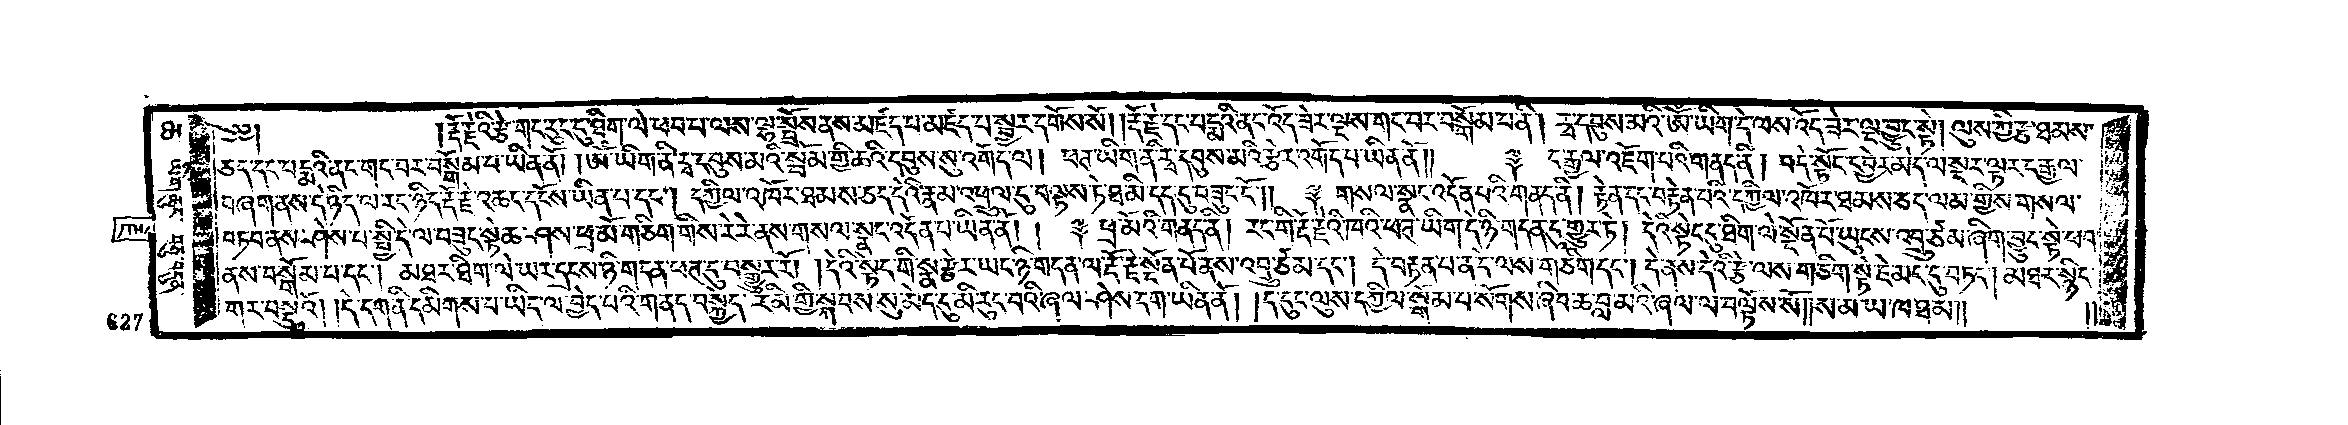༄༅། །རྡོ་རྗེའི་རྩེ་གང་རུང་དུ་ཐིག་ལེ་ཕབ་པ་ལས་ལྷ་སྤྲོས་ནས་མཛད་པ་མཛད་པ་སྦྱར་དགོས་སོ། །རྡོ་རྗེ་དང་པདམའི་ནང་འོད་ཟེར་ལྔས་གང་བར་བསྒོམ་པ་ནི། རྭ་དབུས་མའི་ཨོཾ་ཡིག་དེ་ལས་འོད་ཟེར་ལྔ་བྱུང་སྟེ། ལུས་ཀྱི་རྩ་ཐམས་
ཅད་དང་པདམའི་ནང་གང་བར་བསྒོམ་པ་ཡིན་ནོ། །ཨོཾ་ཡིག་ནི་རྭ་དབུས་མའི་སྦོམ་གྱི་ཆའི་དབུས་སུ་འགོད་ལ། ཕཊ་ཡིག་ནི་རྭ་དབུས་མའི་རྩེར་འགོད་པ་ཡིན་ནོ།། ༈ ང་རྒྱལ་འཇོག་པའི་གནད་ནི། བདེ་སྟོང་དབྱེར་མེད་ལ་སྔར་ལྟར་ང་རྒྱལ་
བཞག་ནས་དེ་ཉིད་ལ་རང་ཉིད་རྡོ་རྗེ་འཆང་དངོས་ཡིན་པ་དང་། དཀྱིལ་འཁོར་ཐམས་ཅད་དེའི་རྣམ་འཕྲུལ་དུ་བལྟས་ཏེ་ཐ་མི་དད་དུ་བཟུང་ངོ།། ༈ གསལ་སྣང་འདོན་པའི་གནད་ནི། རྟེན་དང་བརྟེན་པའི་དཀྱིལ་འཁོར་ཐམས་ཅད་ལམ་གྱིས་གསལ་
བཏབ་ནས་ཤེས་པ་སྤྱི་དེ་ལ་བཟུང་སྟེ་ཆ་ཤས་ཕྲ་མོ་གཅིག་གིས་རེ་རེ་ནས་གསལ་སྣང་འདོན་པ་ཡིན་ནོ། ། ༈ ཕྲ་མོའི་གནད་ནི། རང་གི་རྡོ་རྗེའི་ཁའི་ཕཊ་ཡིག་དེ་ཉི་གདན་དུ་གྱུར་ཏེ། དེའི་སྟེང་དུ་ཐིག་ལེ་སྔོན་པོ་ཡུངས་འབྲུ་ཙམ་ཞིག་བྱུང་སྟེ་ཕབ་
ནས་བསྒོམ་པ་དང་། མཐར་ཐིག་ལེ་ཡར་དྲངས་ཉི་གདན་ཕཊ་དུ་བསྒྱུར་རེ། །དེའི་སྟེང་གི་སྣ་རྩེར་ཡང་ཉི་གདན་ལ་རྡོ་རྗེ་སྔོན་པོ་ནས་འབྲུ་ཙམ་དང་། དེ་བརྟན་པ་ན་དེ་ལས་གཅིག་དང་། དེ་ནས་དེའི་རྩེ་ལས་གཅིག་སྟེ་ཇེ་མང་དུ་བཏང་། མཐར་སྙིང་
གར་བསྡུའོ། །དེ་དག་ནི་དམིགས་པ་ཡིད་ལ་བྱེད་པའི་གནད་བསྐྱེད་རིམ་གྱི་སྐབས་སུ་མེད་དུ་མི་རུང་བའི་ཞལ་ཤེས་དག་ཡིན་ནོ། །ད་དུང་ལུས་དཀྱིལ་སྒོམ་པ་སོགས་ཞིབ་ཆ་བླ་མའི་ཞལ་ལ་བལྟོས་སོ།།ས་མ་ཡ་ཁ་ཐམ།། །།